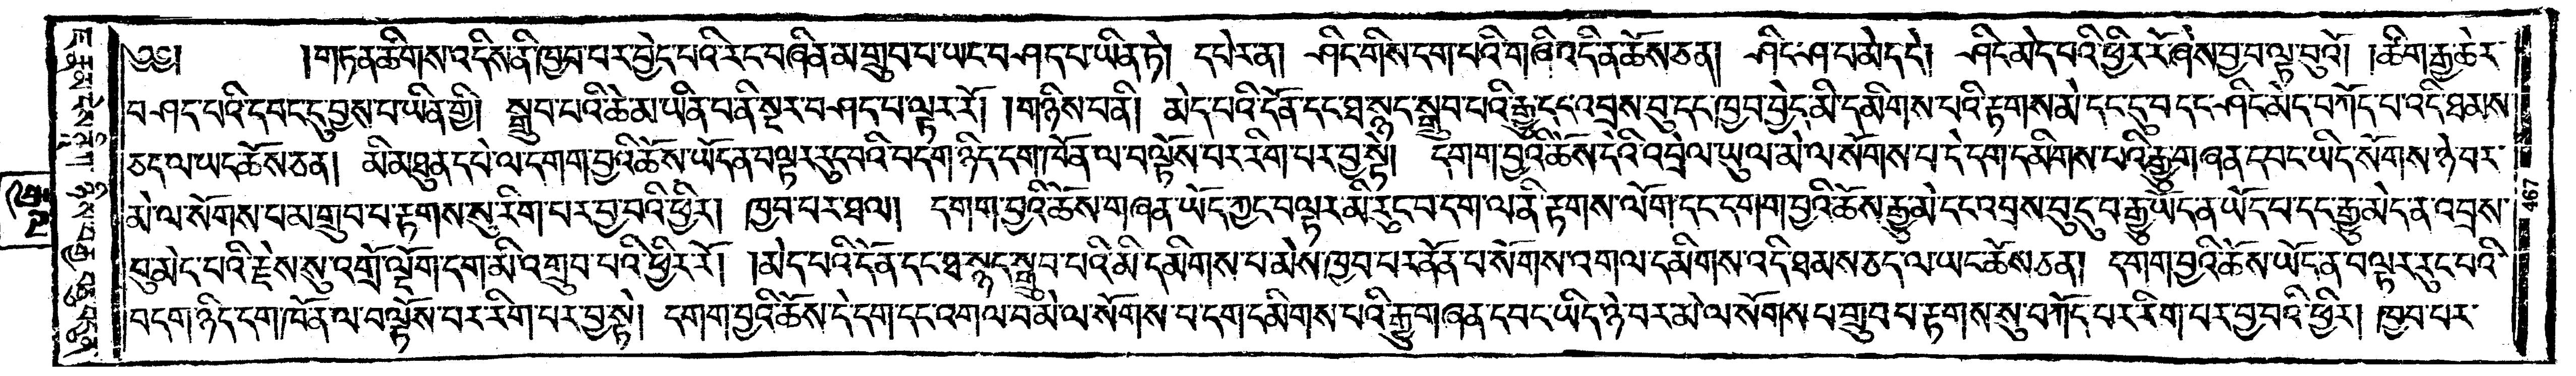༄༅། །གཏན་ཚིགས་འདིས་ནི་ཁྱབ་པར་བྱེད་པའི་རང་བཞིན་མ་གྲུབ་པ་ཡང་བཤད་པ་ཡིན་ཏེ། དཔེར་ན། ཤིང་གིས་དག་པའི་གཞི་འདི་ན་ཆོས་ཅན། ཤིང་ཤ་པ་མེད་དེ། ཤིང་མེད་པའི་ཕྱིར་རོ་ཞེས་བྱ་བ་ལྟ་བུའོ། །ཚིག་རྒྱ་ཆེར་
བཤད་པའི་དབང་དུ་བྱས་པ་ཡིན་གྱི། སྒྲུབ་པའི་ཆེ་མ་ཡིན་པ་ནི་སྔར་བཤད་པ་ལྟར་རོ། །གཉིས་པ་ནི། མེད་པའི་དོན་དང་ཐ་སྙད་སྒྲུབ་པའི་རྒྱུ་དང་འབྲས་བུ་དང་ཁྱབ་བྱེད་མི་དམིགས་པའི་རྟགས་མེ་དང་དུ་བ་དང་ཤིང་མེད་བཀོད་པ་འདི་ཐམས་
ཅད་ལ་ཡང་ཆོས་ཅན། མི་མཐུན་དཔེ་ལ་དགག་བྱའི་ཆོས་ཡོད་ན་བལྟར་རུང་བའི་བདག་ཉིད་དག་ཁོ་ན་ལ་བལྟོས་པར་རིག་པར་བྱ་སྟེ། དགག་བྱའི་ཆོས་དེའི་འབྲེལ་ཡུལ་མེ་ལ་སོགས་པ་དེ་དག་དམིགས་པའི་རྒྱུ་གཞན་དབང་ཡིད་སོགས་ཉེ་བར་
མེ་ལ་སོགས་པ་མ་གྲུབ་པ་རྟགས་སུ་རིག་པར་བྱ་བའི་ཕྱིར། ཁྱབ་པར་ཐལ། དགག་བྱའི་ཆོས་གཞན་ཡོད་ཀྱང་བལྟར་མི་རུང་བ་དག་ལ་ནི་རྟགས་ལོག་དང་དགག་བྱའི་ཆོས་རྒྱུ་མེ་དང་འབྲས་བུ་དུ་བ་རྒྱུ་ཡོད་ན་ཡོད་པ་དང་རྒྱུ་མེད་ན་འབྲས་
བུ་མེད་པའི་རྗེས་སུ་འགྲོ་ལྡོག་དག་མི་འགྲུབ་པའི་ཕྱིར་རོ། །མེད་པའི་དོན་དང་ཐ་སྙད་སྒྲུབ་པའི་མི་དམིགས་པ་མེས་ཁྱབ་པར་ནོན་པ་སོགས་འགལ་དམིགས་འདི་ཐམས་ཅད་ལ་ཡང་ཆོས་ཅན། དགག་བྱའི་ཆོས་ཡོད་ན་བལྟར་རུང་བའི་
བདག་ཉིད་དག་ཁོ་ན་ལ་བལྟོས་པར་རིག་པར་བྱ་སྟེ། དགག་བྱའི་ཆོས་དེ་དག་དང་འགལ་བ་མེ་ལ་སོགས་པ་དག་དམིགས་པའི་རྒྱུ་གཞན་དབང་ཡིད་ཉེ་བར་མེ་ལ་སོགས་པ་གྲུབ་པ་རྟགས་སུ་བཀོད་པར་རིག་པར་བྱ་བའི་ཕྱིར། ཁྱབ་པར་